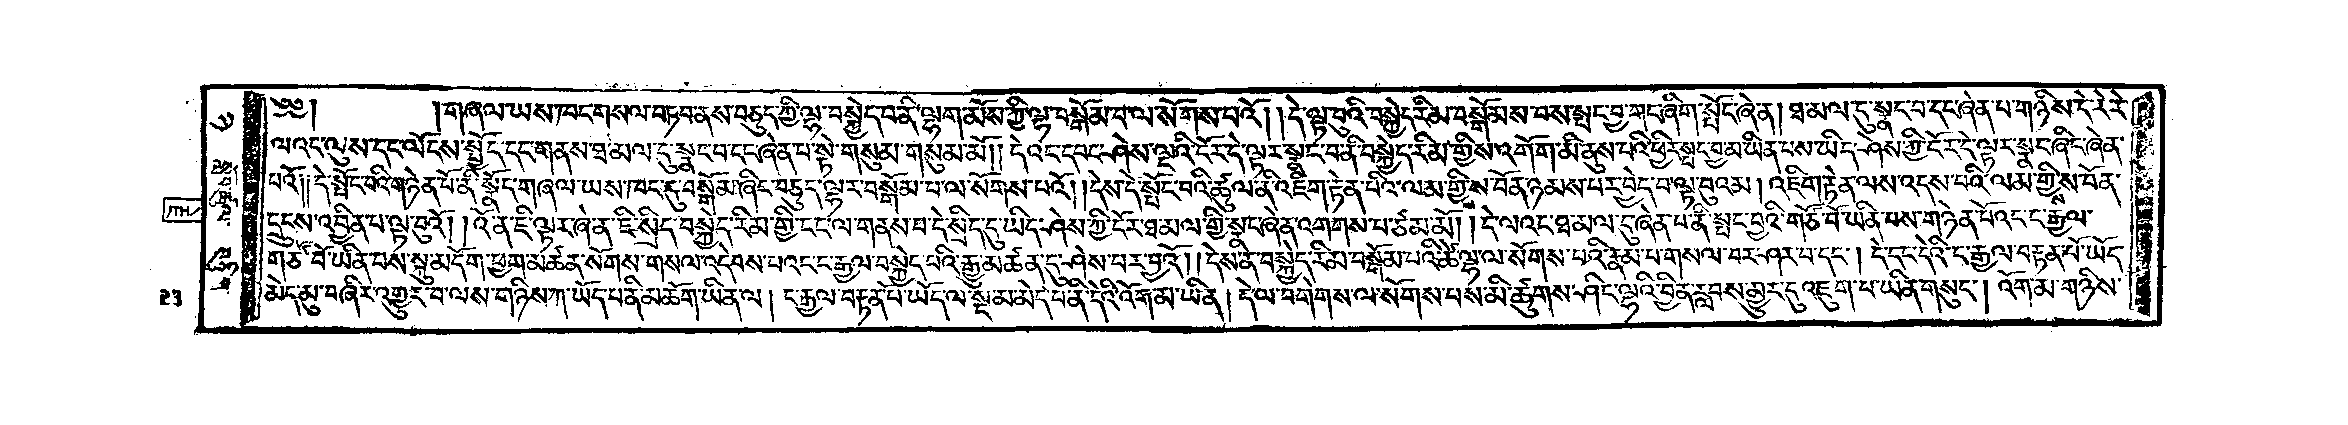༄༅། །གཞལ་ཡས་ཁང་གསལ་བཏབ་ནས་བཅུད་ཀྱི་ལྷ་བསྐྱེད་པ་ནི་ལྷག་མོས་ཀྱི་ལྷ་བསྒོམ་པ་ལ་སོགས་པའོ། །དེ་ལྟ་བུའི་བསྐྱེད་རིམ་བསྒོམས་བས་སྤང་བྱ་གང་ཞིག་སྤོང་ཞེ་ན། ཐ་མལ་དུ་སྣང་བ་དང་ཞེན་པ་གཉིས་དེ་རེ་རེ་
ལའང་ལུས་དང་ལོངས་སྤྱོད་དང་གནས་ཐ་མལ་དུ་སྣང་བ་དང་ཞེན་པ་སྟེ་གསུམ་གསུམ་མོ། །དེའང་དབང་ཤེས་ལྔའི་ངོར་དེ་ལྟར་སྣང་བ་ནི་བསྐྱེད་རིམ་གྱིས་འགོག་མི་ནུས་པའི་ཕྱིར་སྤང་བྱ་མ་ཡིན་པས་ཡིད་ཤེས་ཀྱི་ངོར་དེ་ལྟར་སྣང་ཞིང་ཞེན་
པའོ༑ ༑དེ་སྤོང་བའི་གཉེན་པོ་ནི་སྣོད་གཞལ་ཡས་ཁང་དུ་བསྒོམ་ཞིང་བཅུད་ལྷར་བསྒོམ་པ་ལ་སོགས་པའོ། །དེས་དེ་སྤོང་བའི་ཚུལ་ནི་འཇིག་རྟེན་པའི་ལམ་གྱིས་ས་བོན་ཉམས་པར་བྱེད་པ་ལྟ་བུའམ། འཇིག་རྟེན་ལས་འདས་པའི་ལམ་གྱི་ས་བོན་
དྲུངས་འབྱིན་པ་ལྟ་བུའོ། །འོ་ན་ཇི་ལྟར་ཞེ་ན་ཇི་སྲིད་བསྐྱེད་རིམ་གྱི་ངང་ལ་གནས་པ་དེ་སྲིད་དུ་ཡིད་ཤེས་ཀྱི་ངོར་ཐ་མལ་གྱི་སྣང་ཞེན་འགགས་པ་ཙམ་མོ། །དེ་ལའང་ཐ་མལ་དུ་ཞེན་པ་ནི་སྤང་བྱའི་གཙོ་བོ་ཡིན་པས་གཉེན་པོའང་ང་རྒྱལ་
གཙོ་བོ་ཡིན་པས་སྐུ་མདོག་ཕྱག་མཚན་སོགས་གསལ་འདེབས་པའང་ང་རྒྱལ་བསྐྱེད་པའི་རྒྱུ་མཚན་དུ་ཤེས་པར་བྱའོ། །དེས་ནི་བསྐྱེད་རིམ་བསྒོམ་པའི་ཚེ་ལྷ་ལ་སོགས་པའི་རྣམ་པ་གསལ་བར་ཤར་བ་དང་། དེ་དང་དེའི་ང་རྒྱལ་བརྟན་པོ་ཡོད་
མེད་མུ་བཞིར་འགྱུར་བ་ལས་གཉིས་ཀ་ཡོད་པ་ནི་མཆོག་ཡིན་ལ། ང་རྒྱལ་བརྟན་པོ་ཡོད་ལ་སྔ་མ་མེད་པ་ནི་དེའི་འོག་མ་ཡིན། དེ་ལ་བགེགས་ལ་སོགས་པས་མི་ཚུགས་ཤིང་ལྷའི་བྱིན་རླབས་མྱུར་དུ་འཇུག་པ་ཡིན་གསུང་། འོག་མ་གཉིས་